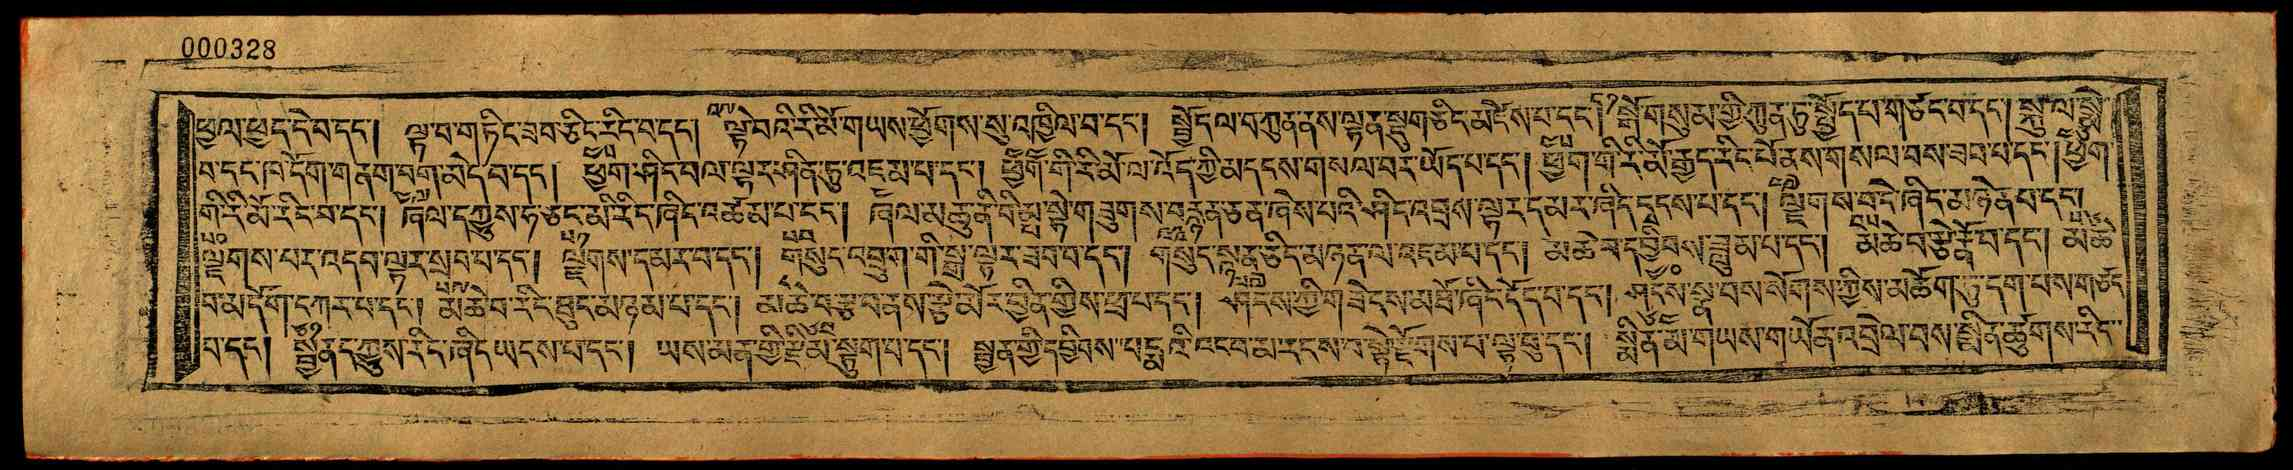ཕྱལ་ཕྱང་དེ་བ་དང་། ༣༨་ལྟ་བ་གཏིང་ཟབ་ཅིང་རིང་བ་དང་། ༣༩་ལྟེ་བའི་རི་མོ་གཡས་ཕྱོགས་སུ་འཁྱིལ་བ་དང་། ༤༠་སྤྱོད་ལམ་ཀུན་ནས་ལྟ་ན་སྡུག་ཅིང་མཛེས་པ་དང་། ༤༡་སྒོ་གསུམ་གྱི་ཀུན་ཏུ་སྤྱོད་པ་གཙང་བ་དང་། ༤༢་སྐུ་ལ་སྨེ་
བ་དང་ཁ་དོག་གནག་བག་མེད་པ་དང་། ༤༣་ཕྱག་ཤིང་བལ་ལྟར་ཤིན་ཏུ་འཇམ་པ་དང་། ༤༥་ཕྱག་གི་རི་མོ་ལ་འོད་ཀྱི་མདངས་གསལ་བར་ཡོད་པ་དང་། ཕྱག་གི་རི་མོ་རྒྱང་རིང་པོ་ནས་གསལ་བས་ཐབ་པ་དང་། ༤༦་ཕྱག་
གི་རི་མོ་རིང་བ་དང་། ༤༧་ཞལ་དཀྱུས་ཧ་ཅང་མི་རིང་ཞིང་འཚམ་པ་དང་། ༤༨་ཞལ་མ་ཆུ་ནི་བིམྤ་སྟེ་གཟུགས་བརྙན་ཅན་ཞེས་པའི་ཤིང་འབྲས་ལྟར་དམར་ཞིང་དྭངས་པ་དང་། ༤༩་ལྗགས་བདེ་ཞིང་མཉེན་པ་དང་།
༥༠་ལྗགས་པད་འདབ་ལྟར་སྲབ་པ་དང་། ༥༡་ལྗགས་དམར་བ་དང་། ༥༢་གསུང་འབྲུག་གི་སྒྲ་ལྟར་ཟབ་པ་དང་། ༥༣་གསུང་སྙན་ཅིང་མཉེན་ལ་འཇམ་པ་དང་། ༥༤་མཆེ་བ་དབྱིབས་ཟླུམ་པ་དང་། ༥༥་མཆེ་བ་རྩེ་རྣོ་བ་དང་། ༥༦་མཆེ་
བ་མདོག་དཀར་བ་དང་། ༥༧་མཆེ་བ་རིང་ཐུང་མཉམ་པ་དང་། མཆེ་བ་རྩ་བ་ནས་ཆ་བོད་བྱིན་གྱིས་ཕྲ་བ་དང་། ༥༩་ཤངས་ཀྱི་གཟེངས་མཐོ་ཞིང་དོད་པ་དང་། ༦༠་ཤུངས་སྣབས་སོགས་ཀྱིས་མཆོག་ཏུ་དག་པ་གཙང་
པ་དང་། ༦༡་སྤྱན་དཀྱུས་རིང་ཞིང་ཡངས་པ་དང་། ཡས་མན་གྱི་རྫི ༦༢་མ་སྟུག་པ་དང་། ༦༣་སྤྱན་གྱི་དབྱིབས་པདམའི་འདབ་མ་རངས་པ་སྟེ་རྫོགས་པ་ལྟ་བུ་དང་། སྨིན ༦༤་མ་གཡས་གཡོན་འབྲེལ་བས་སྨིན་ཚུགས་རིང་